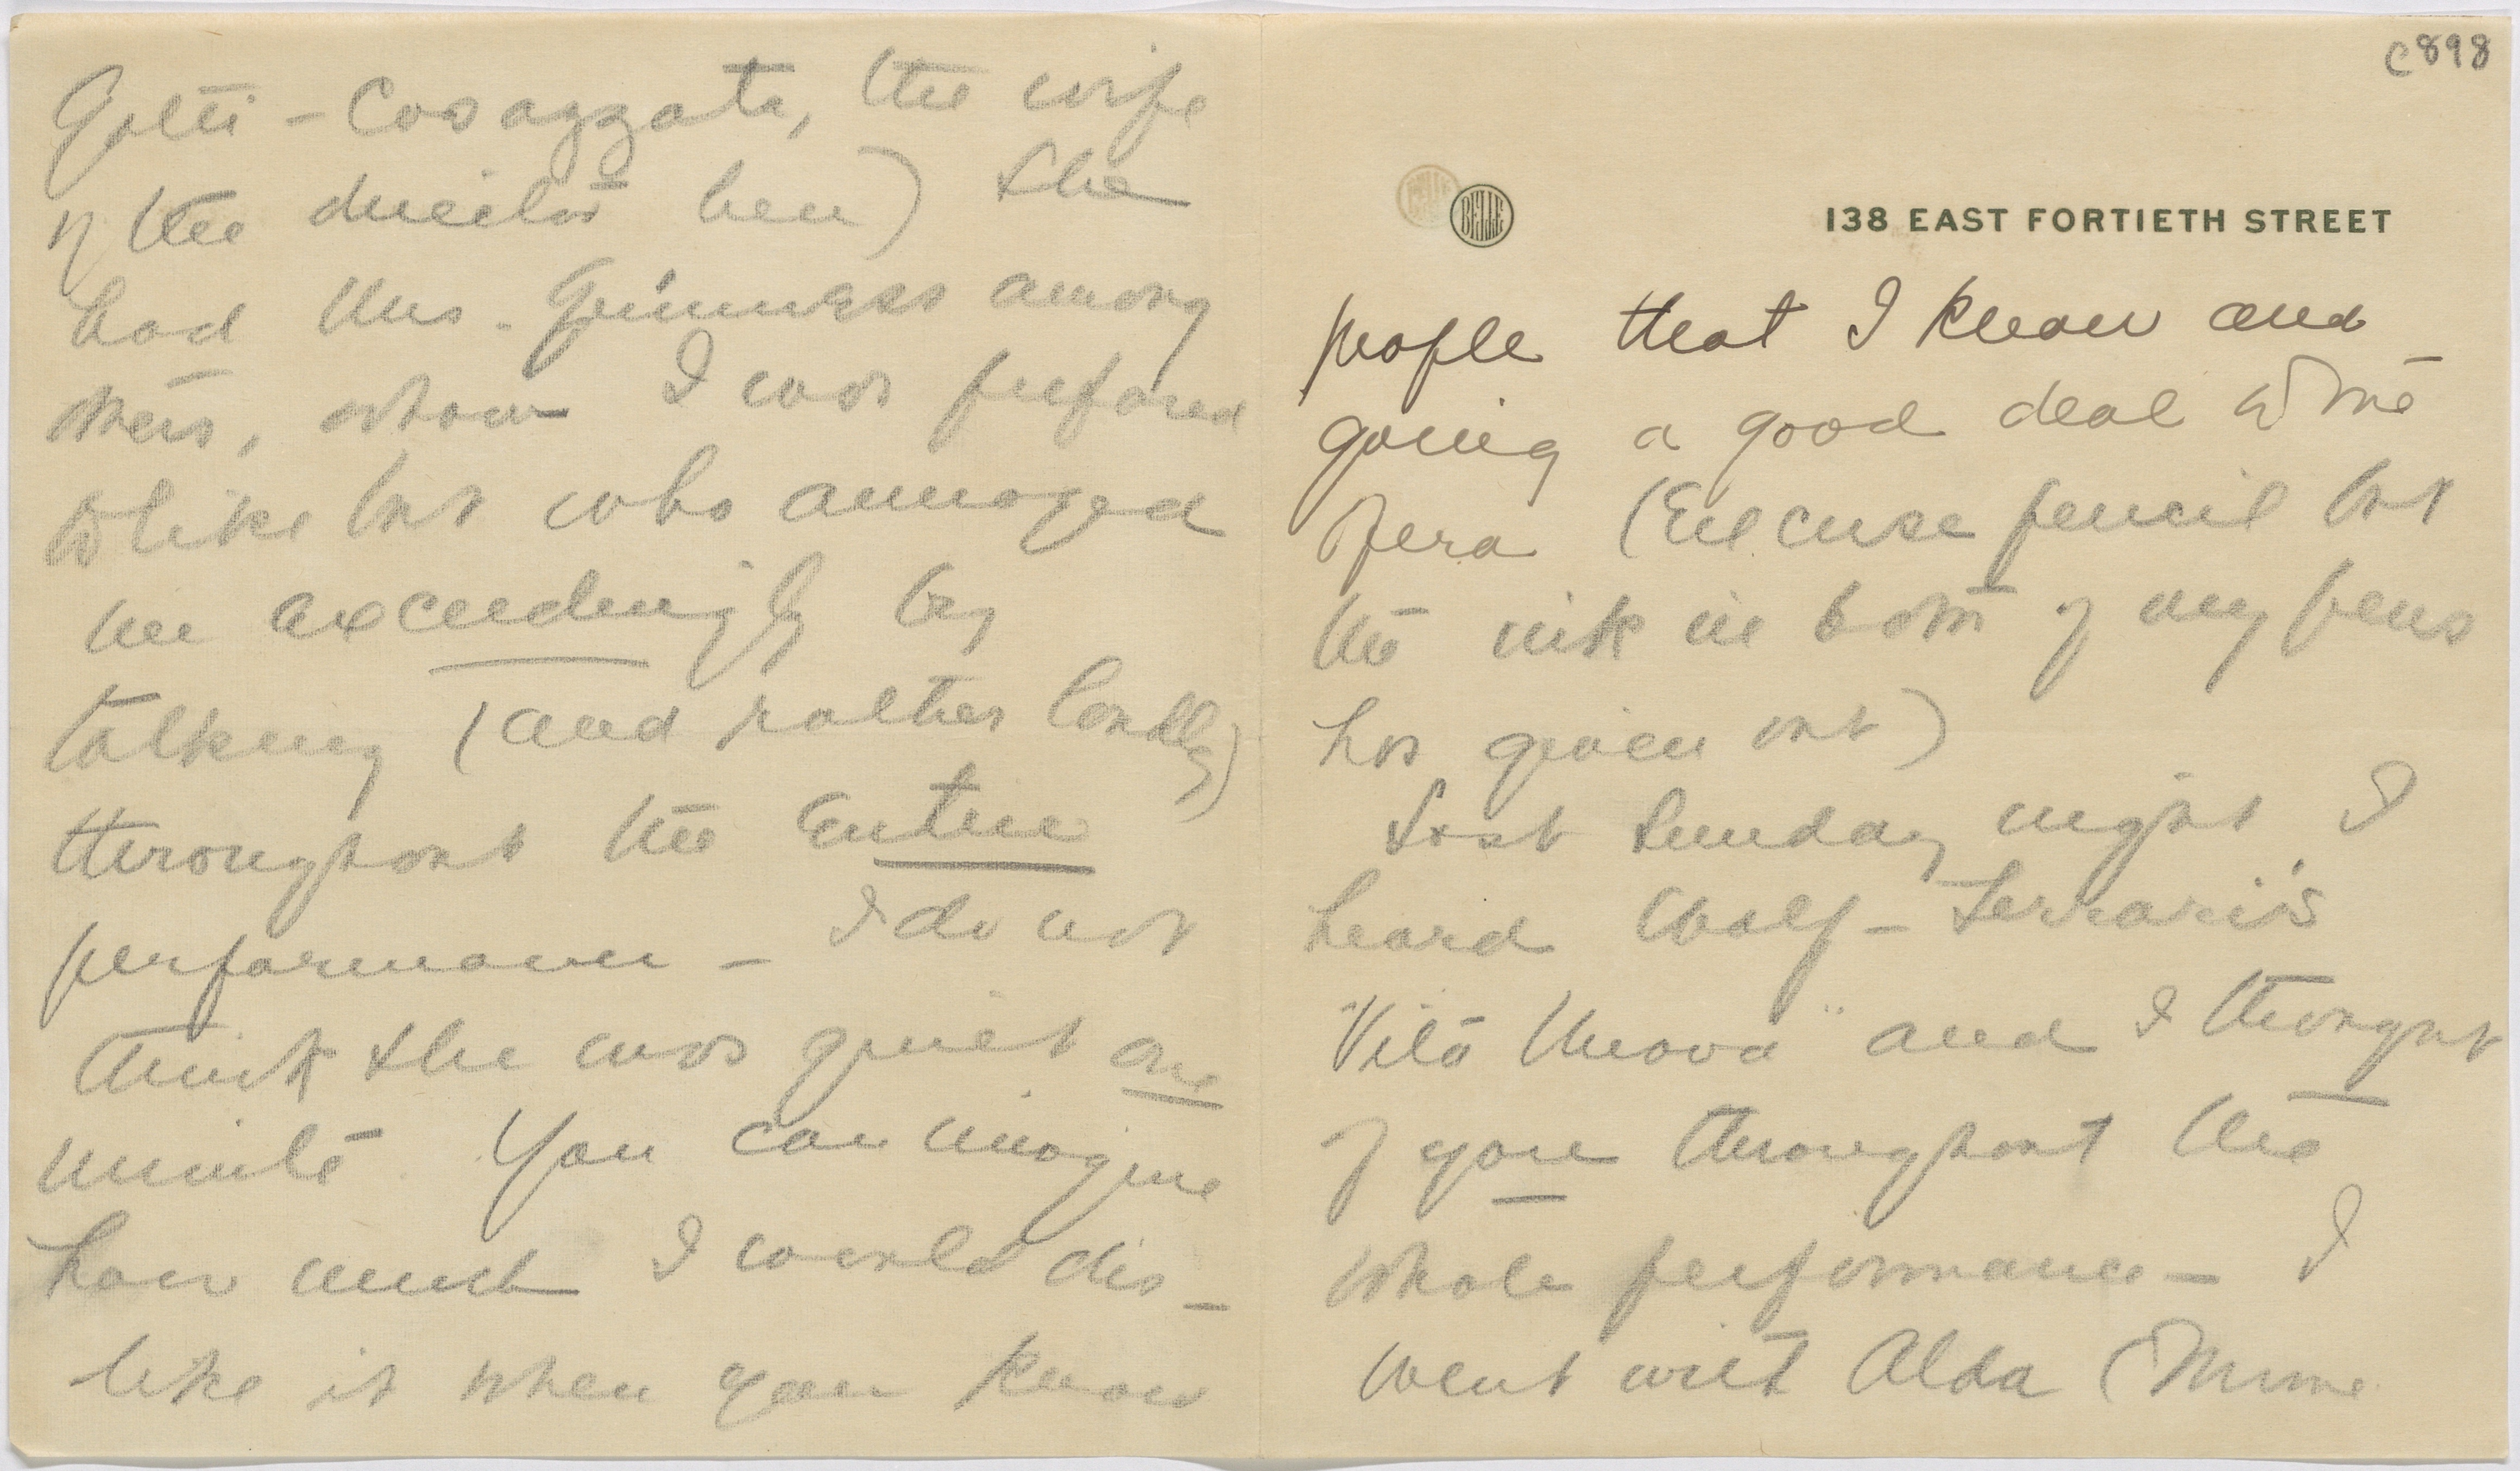people that I know and going a good deal to the opera [rest of letter in pencil] (excuse pencil but the ink in both of my pens has given out)
Last Sunday night I heard Wolf-Ferrari’s “Vita Nuova” and I thought of you throughout the whole performance – I went with Alda (Mme.
Gatti-Casazza, the wife of the director here) She had Mrs. Guinness among others, whom I was prepared to like but who annoyed me exceedingly by talking (and rather loudly) throughout the entire performance – I do not think she was quiet one minute You can imagine how much I would dislike it when you know